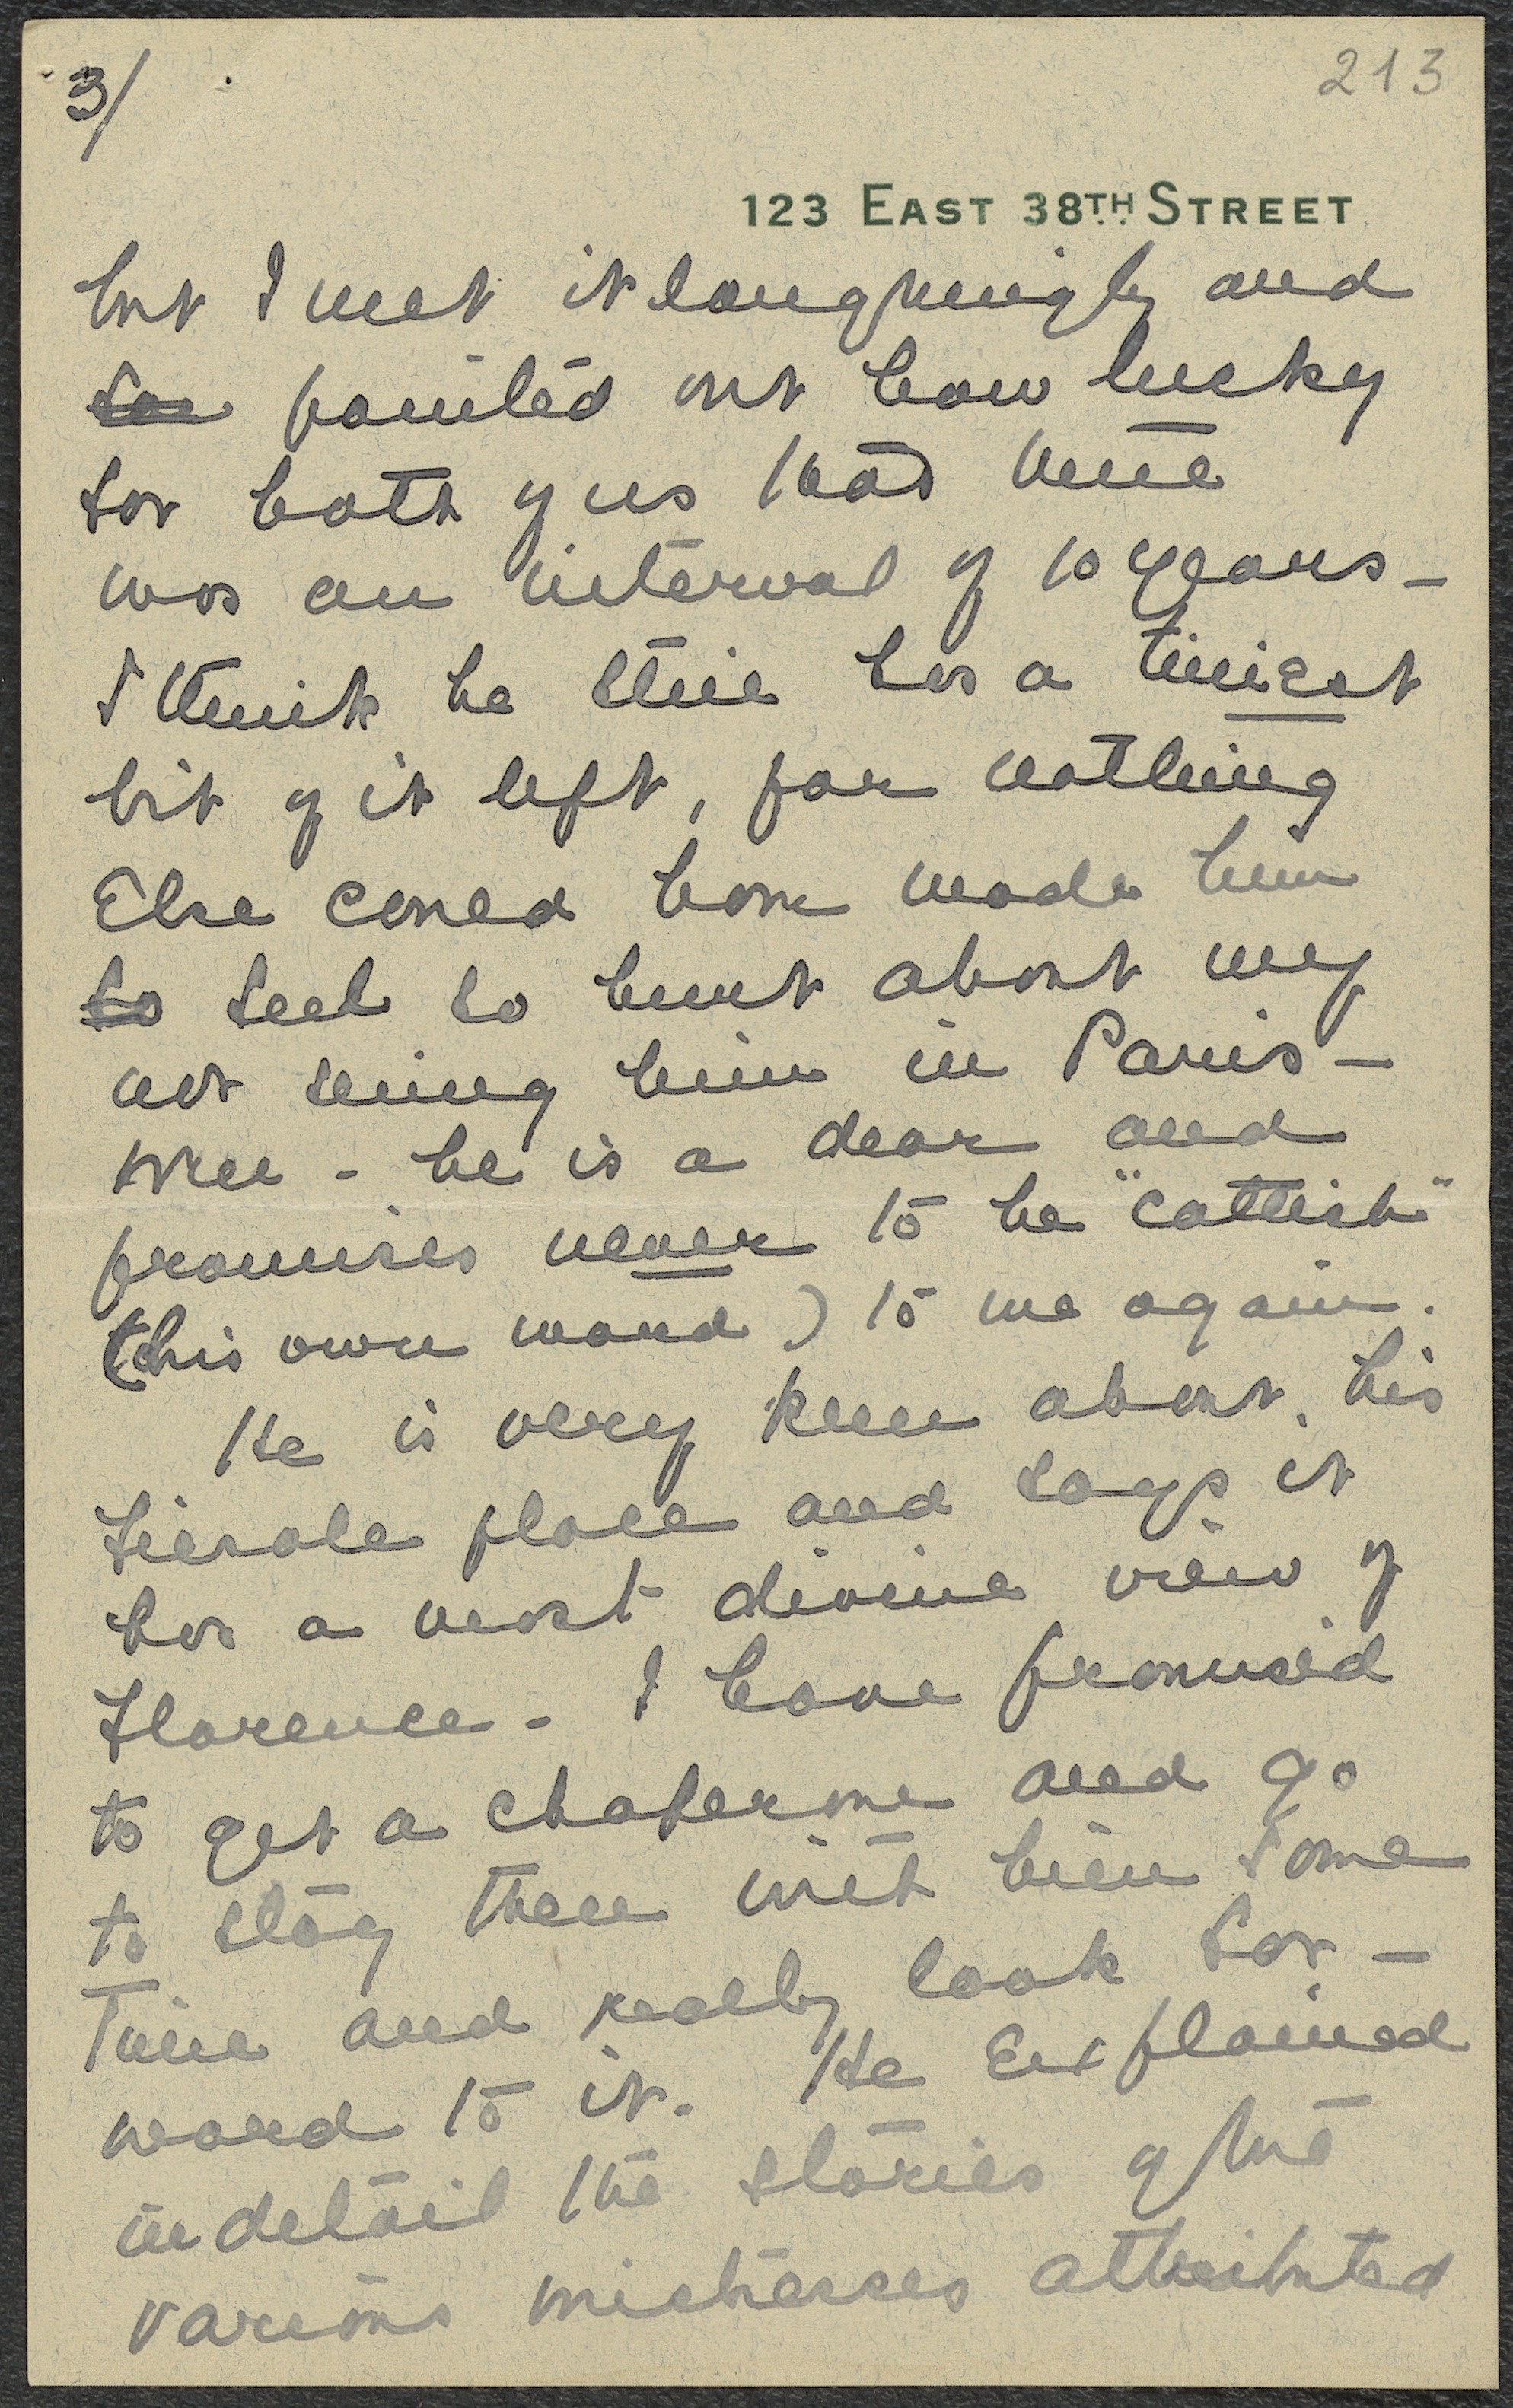3
but I met it laughingly and sai pointed out how lucky for both of us that there was an interval of 10 years – I think he still has a tiniest bit of it left, for nothing else could have made him so feel so hurt about my not seeing him in Paris – Well – he is a dear and promises never to be “cattish” (his own word) to me again.
He is very keen about his Fiesole place and says it has a most divine view of Florence – I have promised to get a chaperone and go to stay there with him some time and really look forward to it. He explained in detail the stories of the various mistresses attributed